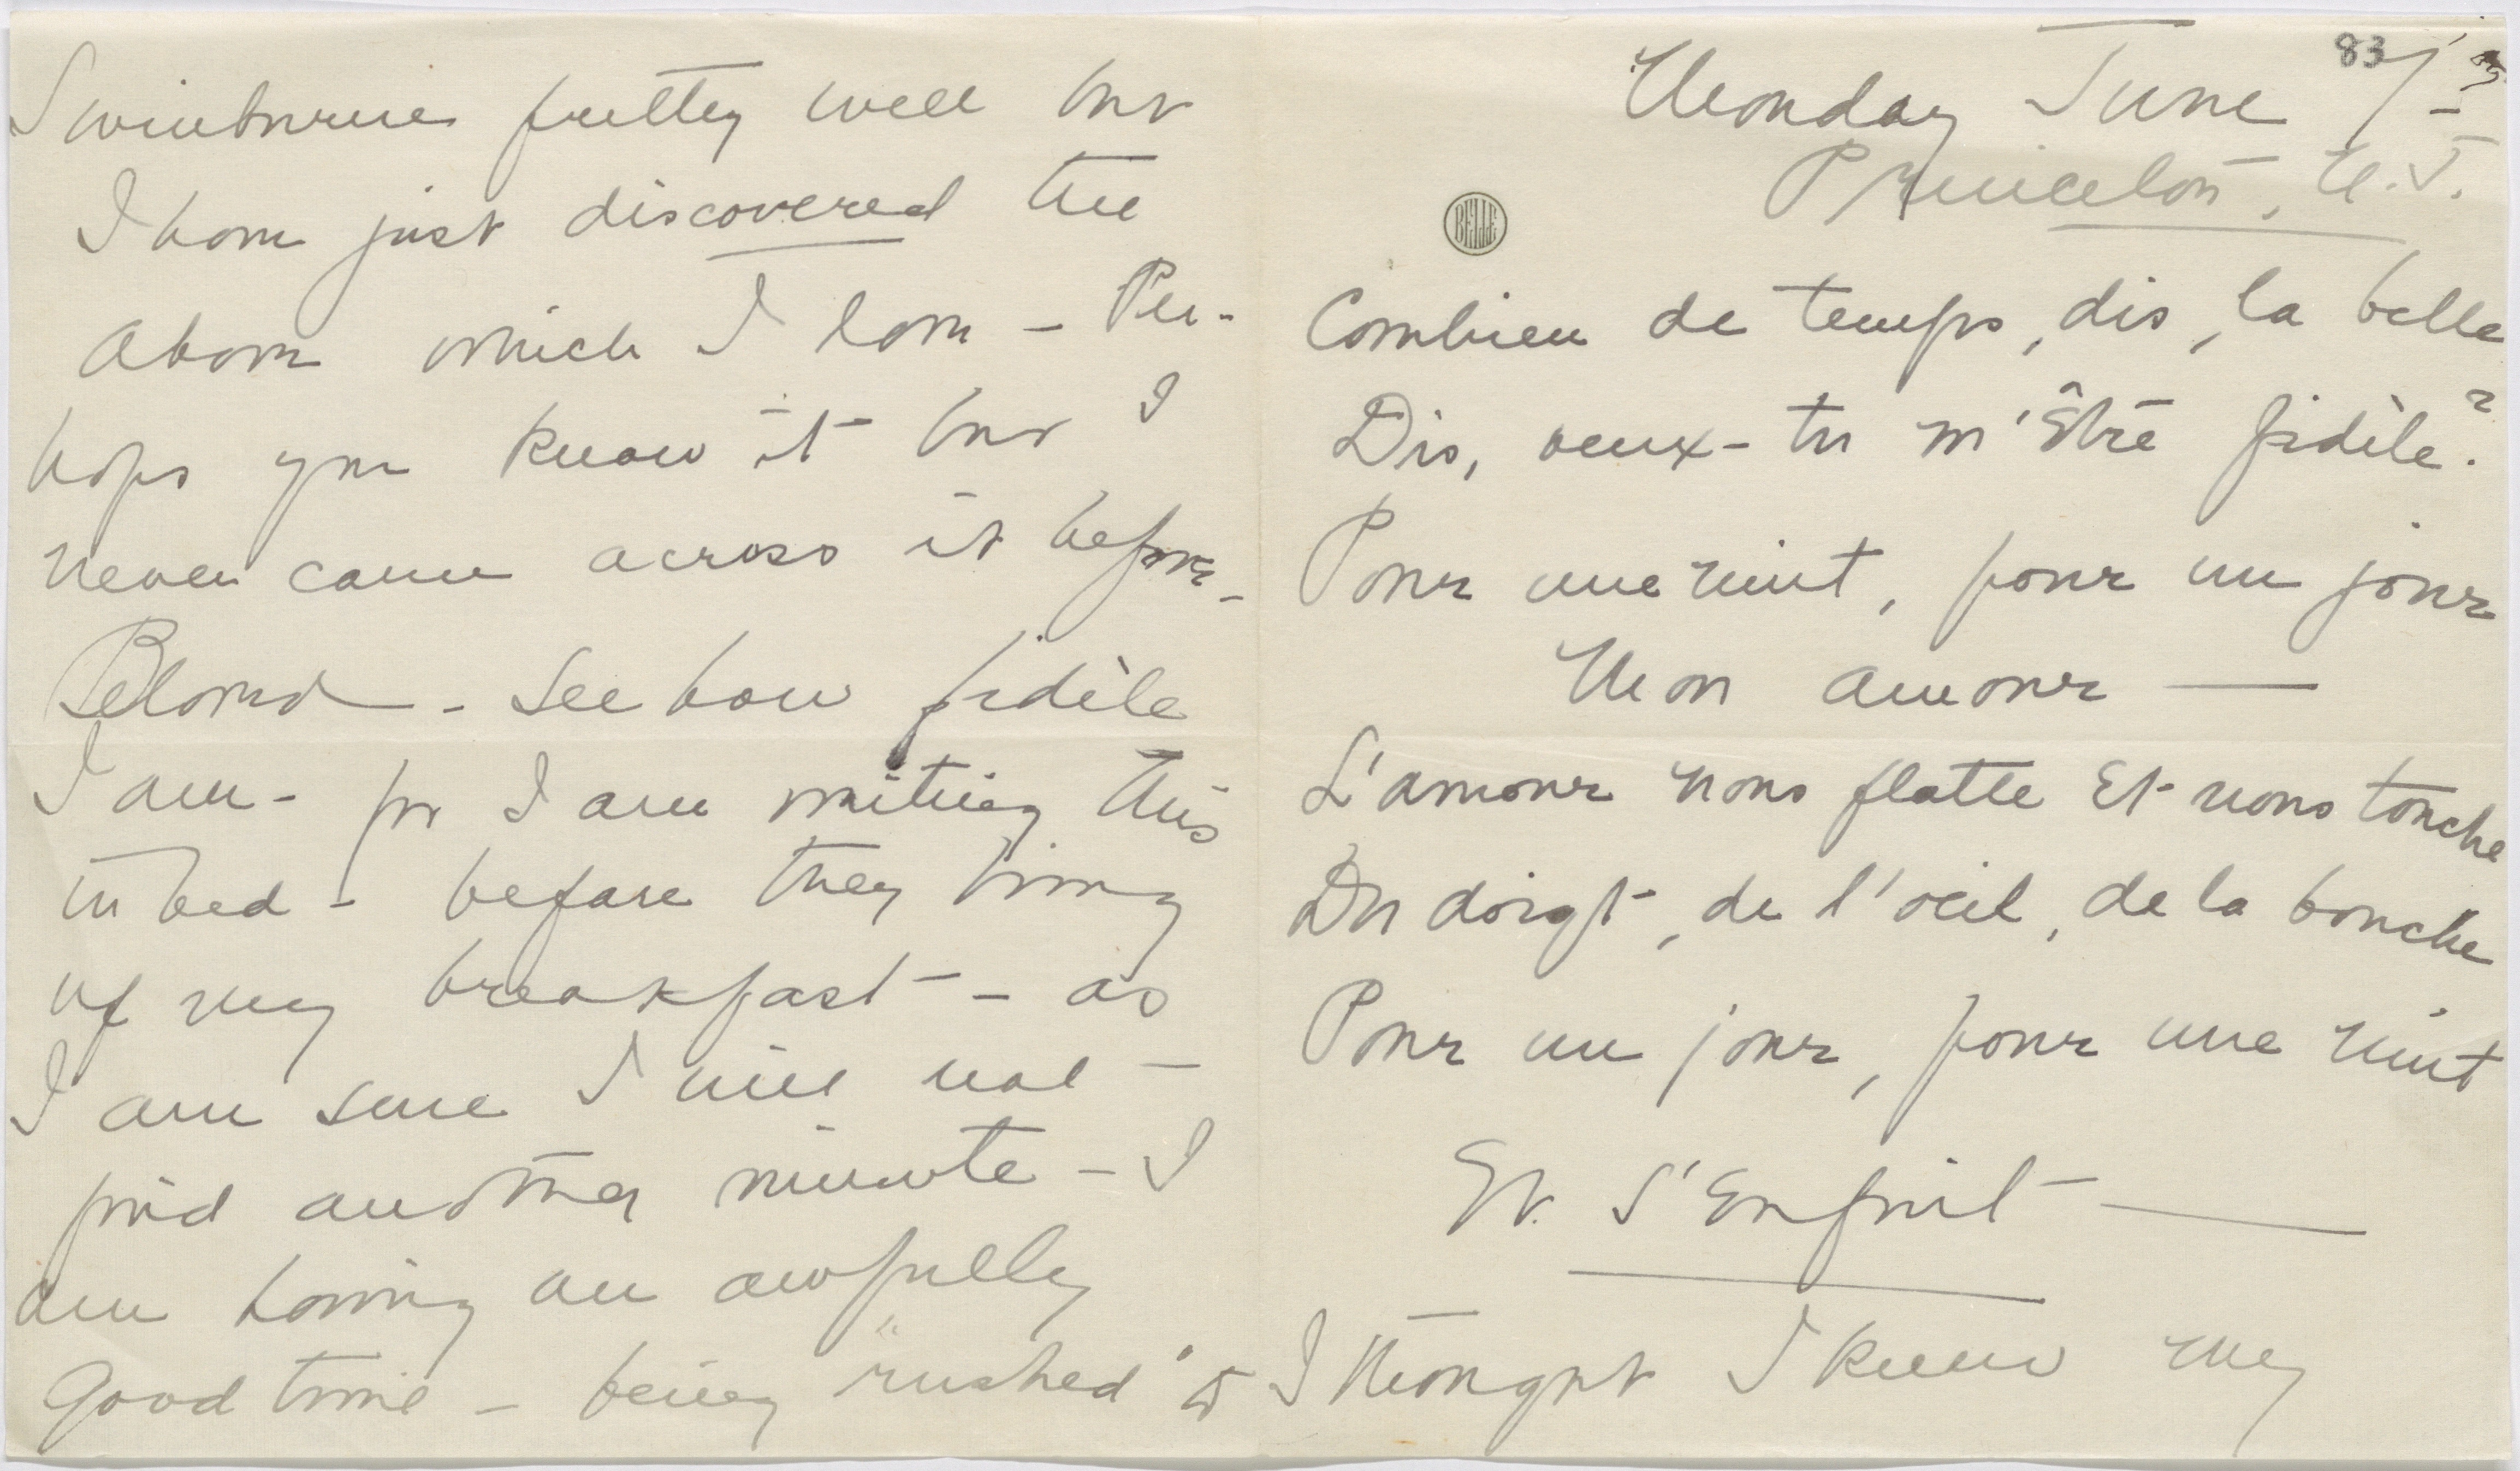Monday June 7 –
Princeton, N.J.
Combien de temps, dis, la belle
Dis, veux-tu m’être fidèle?
Pour une nuit, pour un jour
Mon amour –
L’amour nous flatte et nous touche
Du doigt, de l’oeil, de la bouche
Pour un jour, pour une nuit
Et s’enfuit –
I thought I knew my
Swinburne pretty well but I have just discovered the above which I love – Perhaps you know it but I never came across it before –
Beloved – See how fidèle I am – for I am writing this in bed – before they bring up my breakfast – as I am sure I will not find another minute – I am having an awfully good time – being “rushed” to